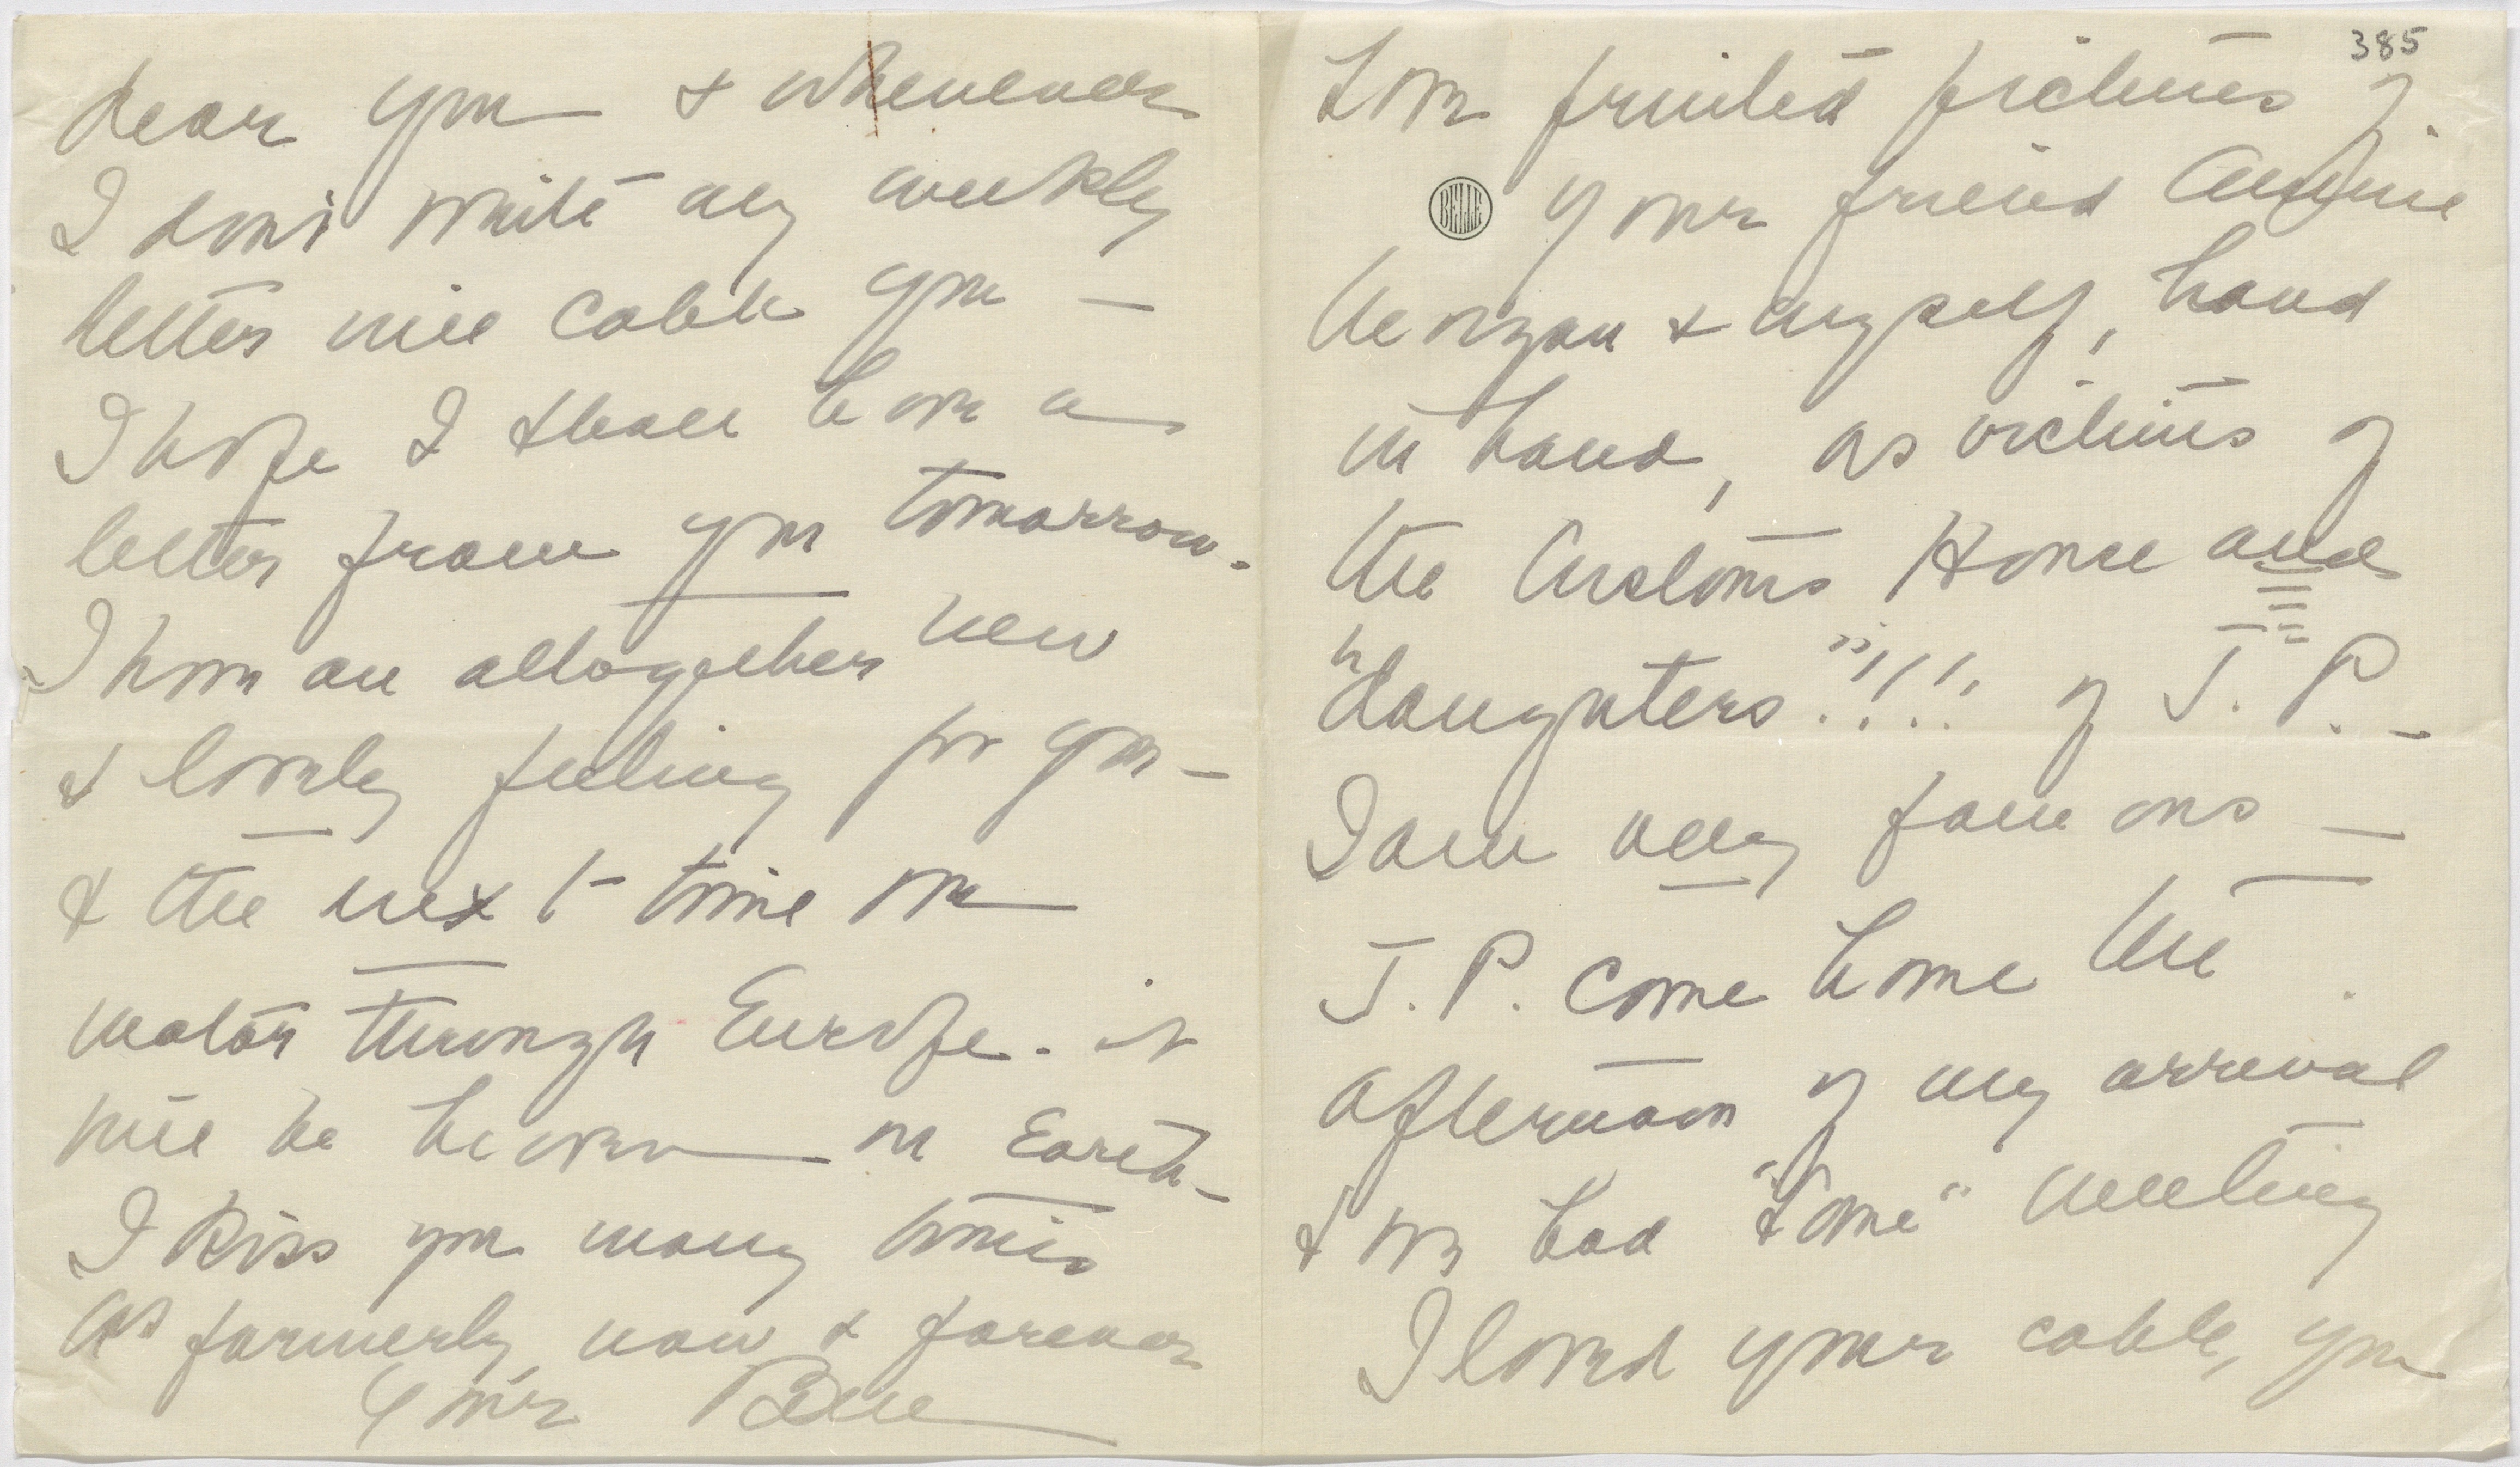have printed pictures of your friend Annie Morgan & myself, hand in hand, as victims of the Customs House [quintuple underlined: and] “daughters”!!!! of J. P. – I am very famous – J. P. came home the afternoon of my arrival & we had “some” meeting
I loved your cable, you
dear you & whenever I don’t write my weekly letter will cable you – I hope I shall have a letter from you tomorrow. I have an altogether new & lovely feeling for you – & the next time we motor through Europe – it will be heaven on earth – I kiss you many times as formerly, now & forever
Your Belle